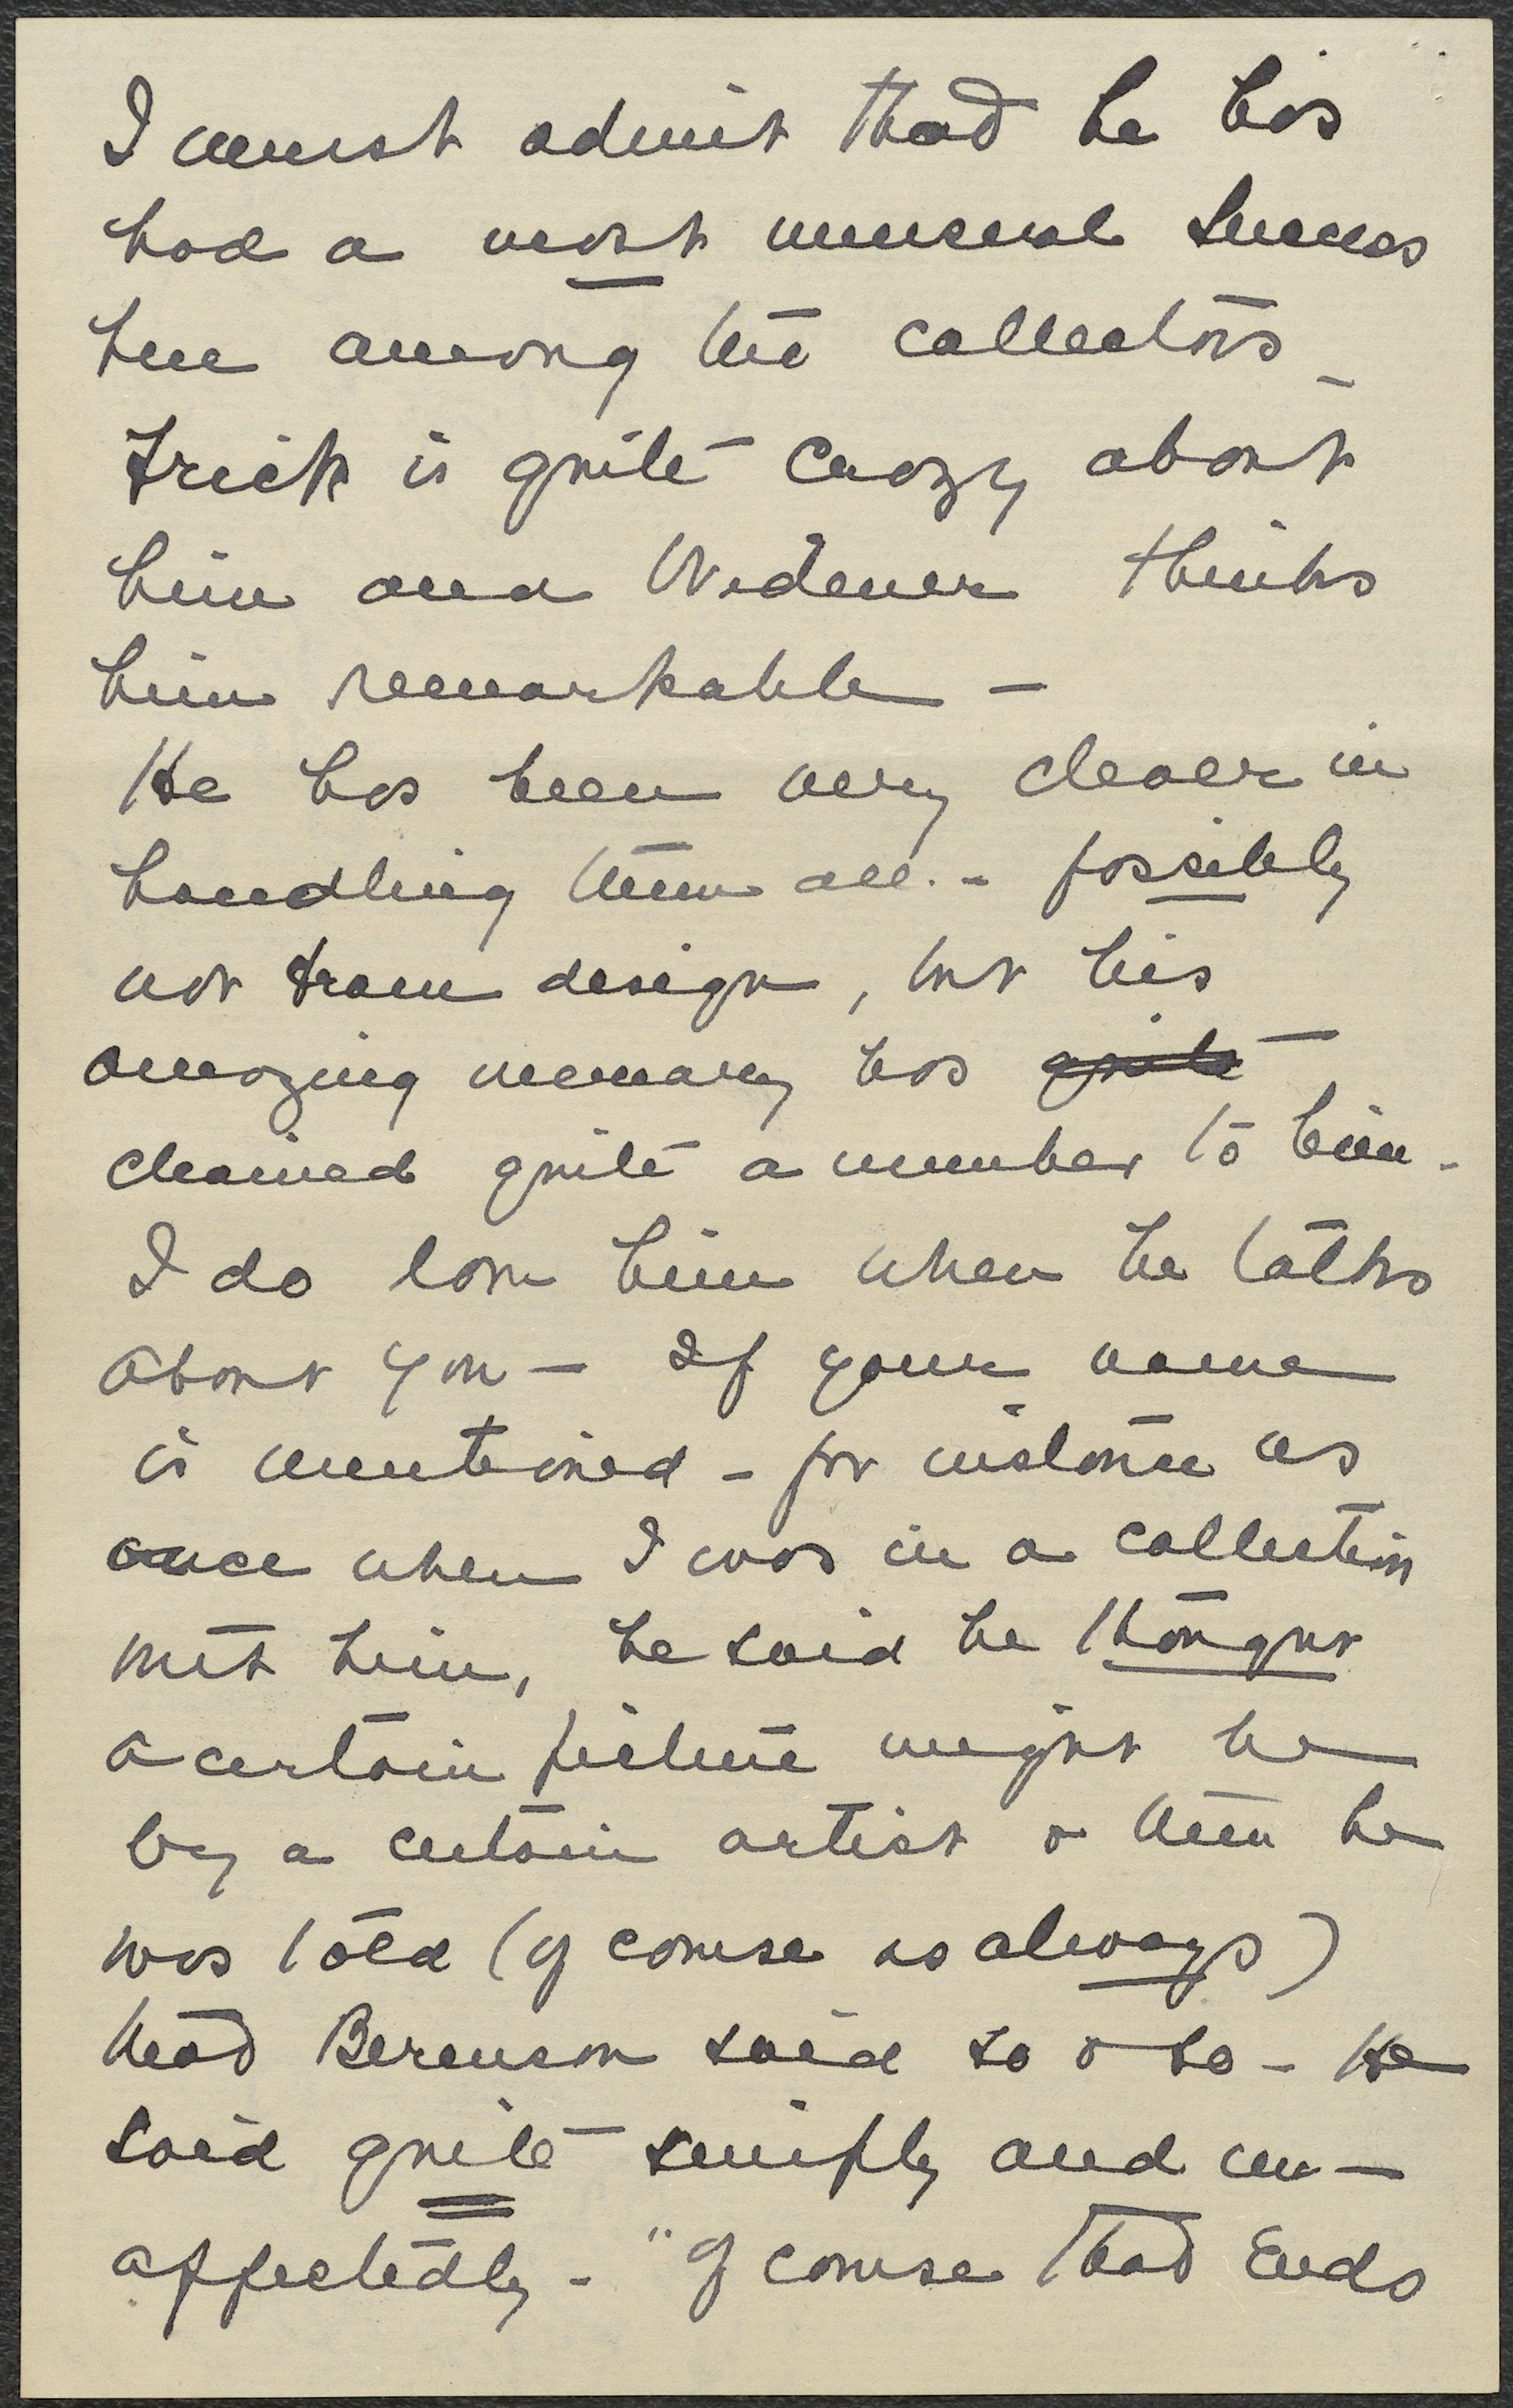I must admit that he has had a most unusual success here among the collectors – Frick is quite crazy about him and Widener thinks him remarkable – He has been very clever in handling them all. – possibly not from design, but his amazing memory has quite – claimed quite a number to him. I do love him when he talks about you – if your name is mentioned – for instance as once when I was in a collection with him, he said he thought a certain picture might be by a certain artist & then he was told (of course as always) that Berenson said so & so – He said [double underlined: quite] simply and unaffectedly – "of course that ends